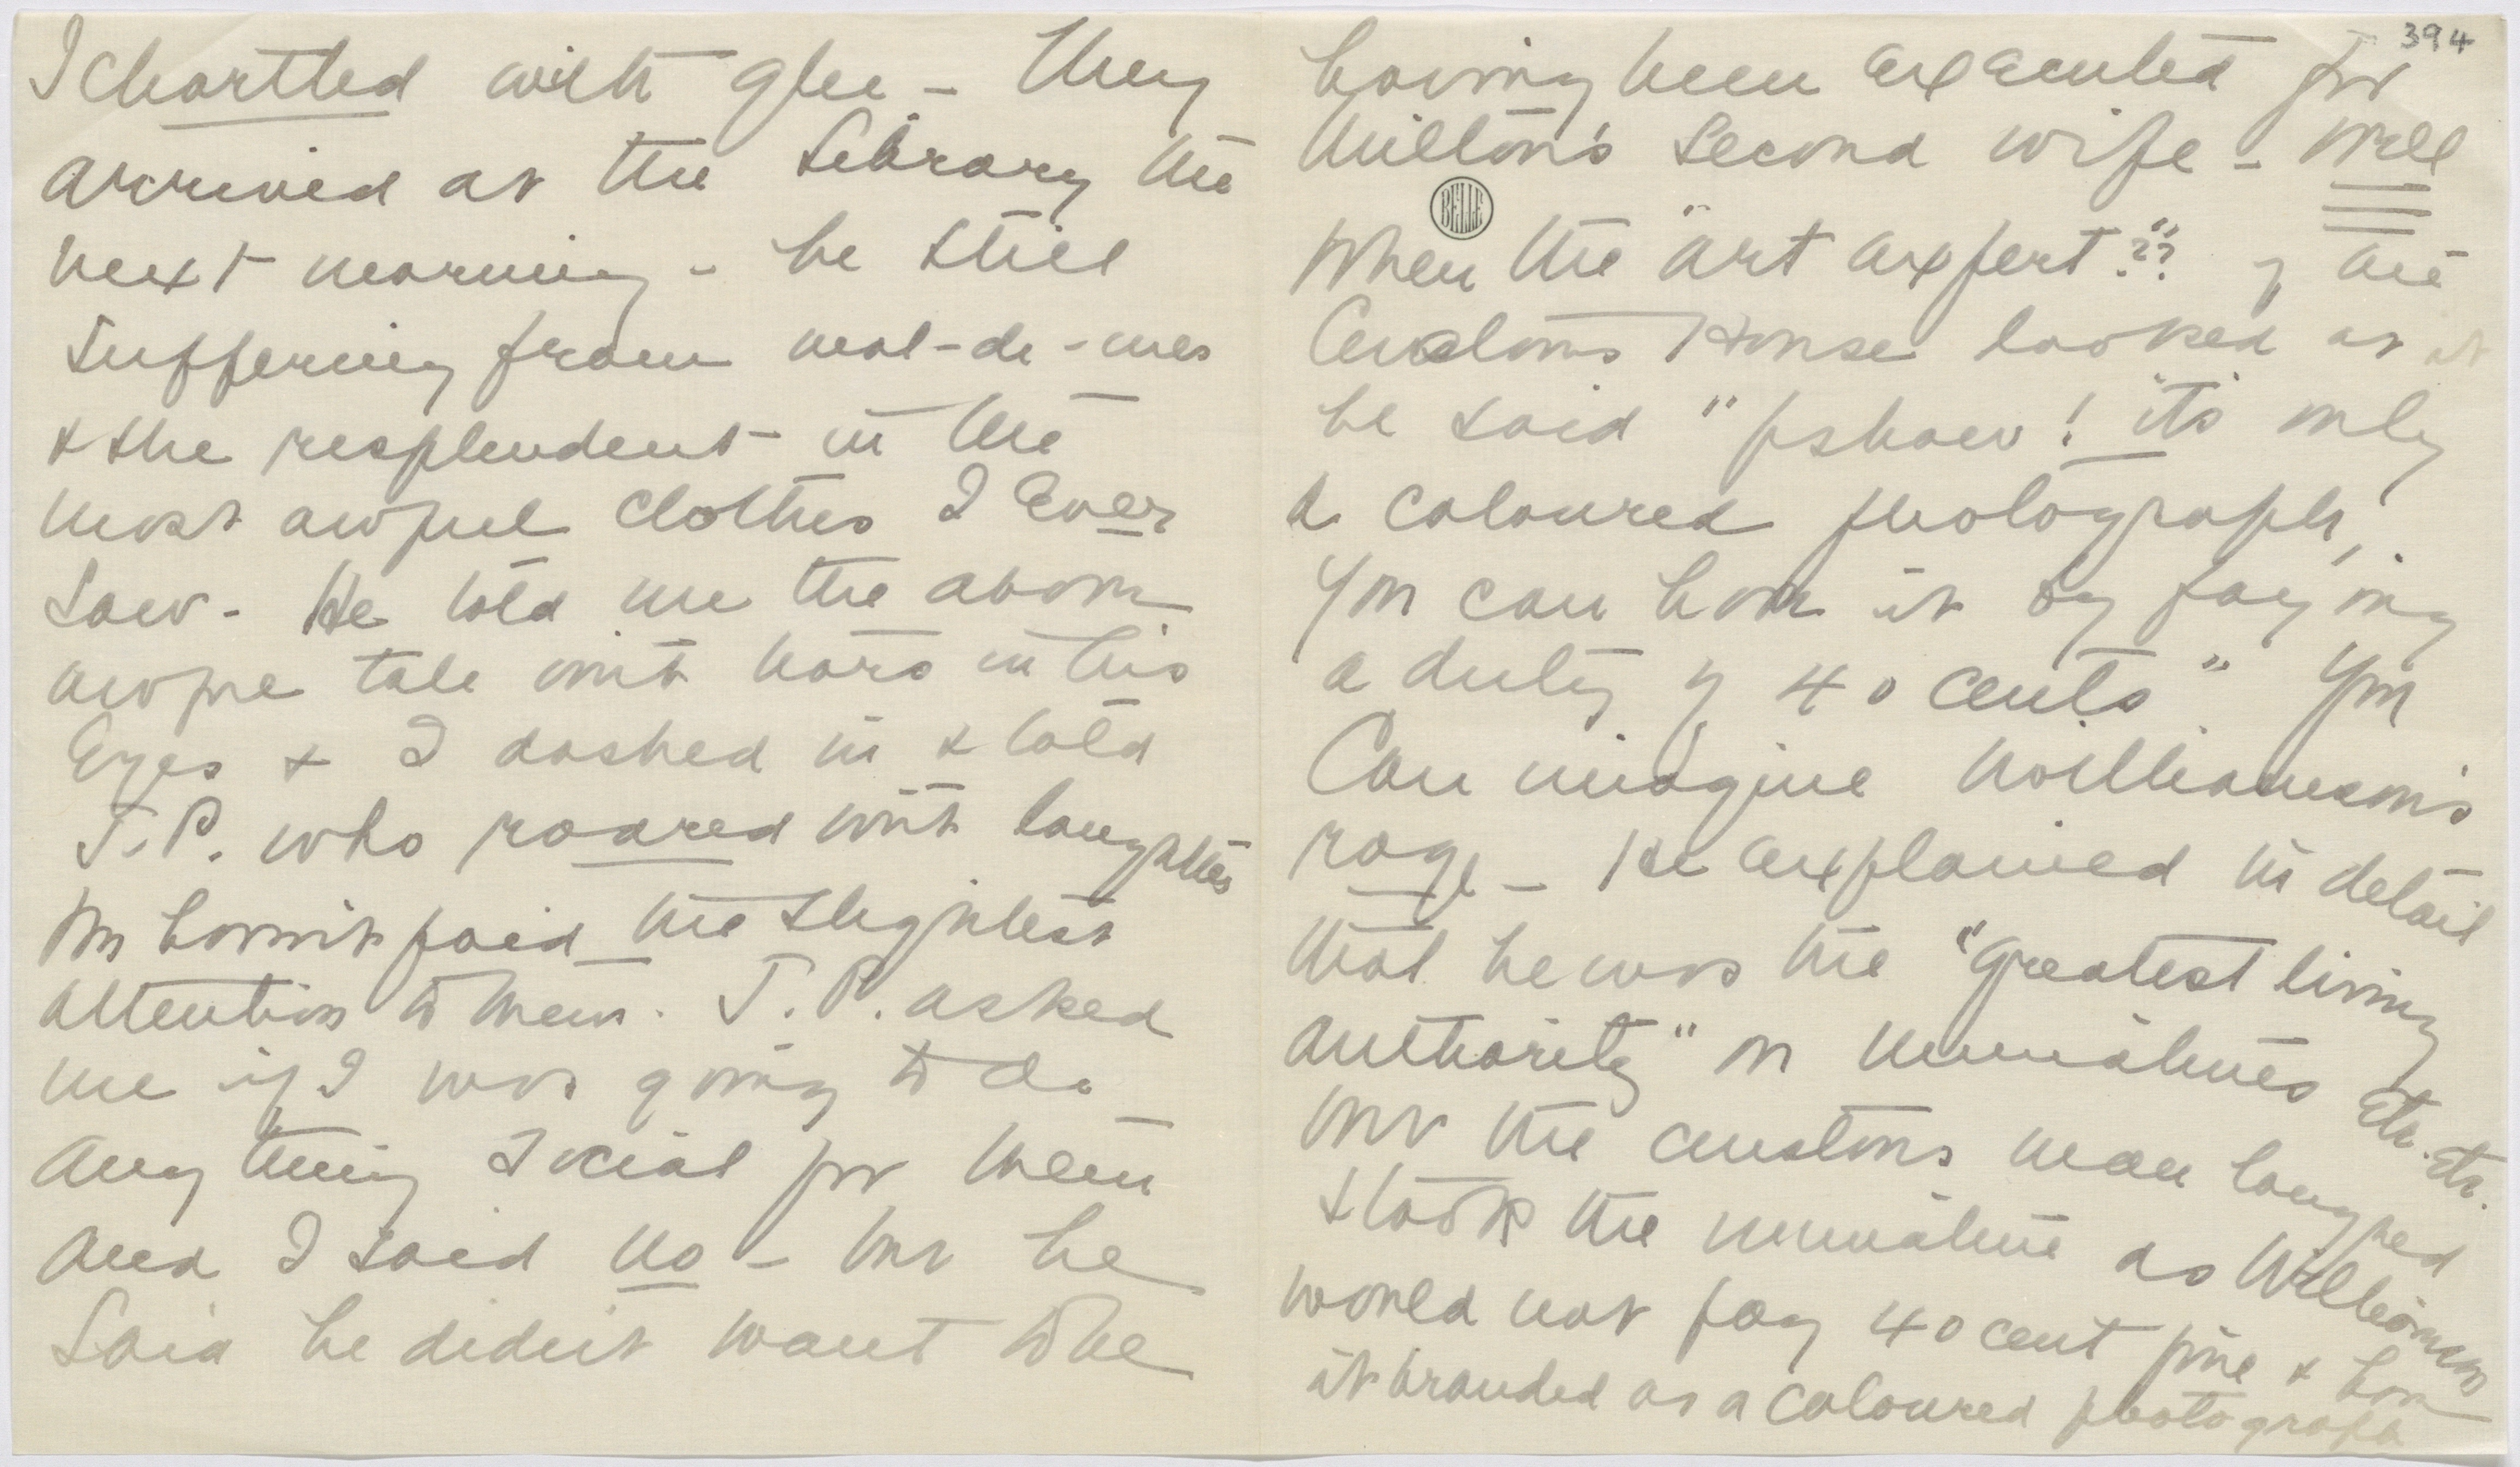having been executed for Milton’s second wife – [triple underlined: Well] when the “art expert??” of the Customs House looked at it he said “pshaw! it’s only a coloured photograph, you can have it by paying a duty of 40 cents” You can imagine Williamson’s rage – He explained in detail that he was the “greatest living authority” on miniatures etc. etc. but the customs man laughed & took the miniature as Williamson would not pay 40 cent fine & have it branded as a coloured photograph
I chortled with glee – They arrived at the Library the next morning – he still suffering from mal-de-mer & she resplendent in the most awful clothes I ever saw. He told me the above awful tale with tears in his eyes & I dashed in & told J. P. who roared with laughter We haven’t paid the slightest attention to them. J. P. asked me if I was going to do anything social for them and I said no – but he said he didn’t want to be